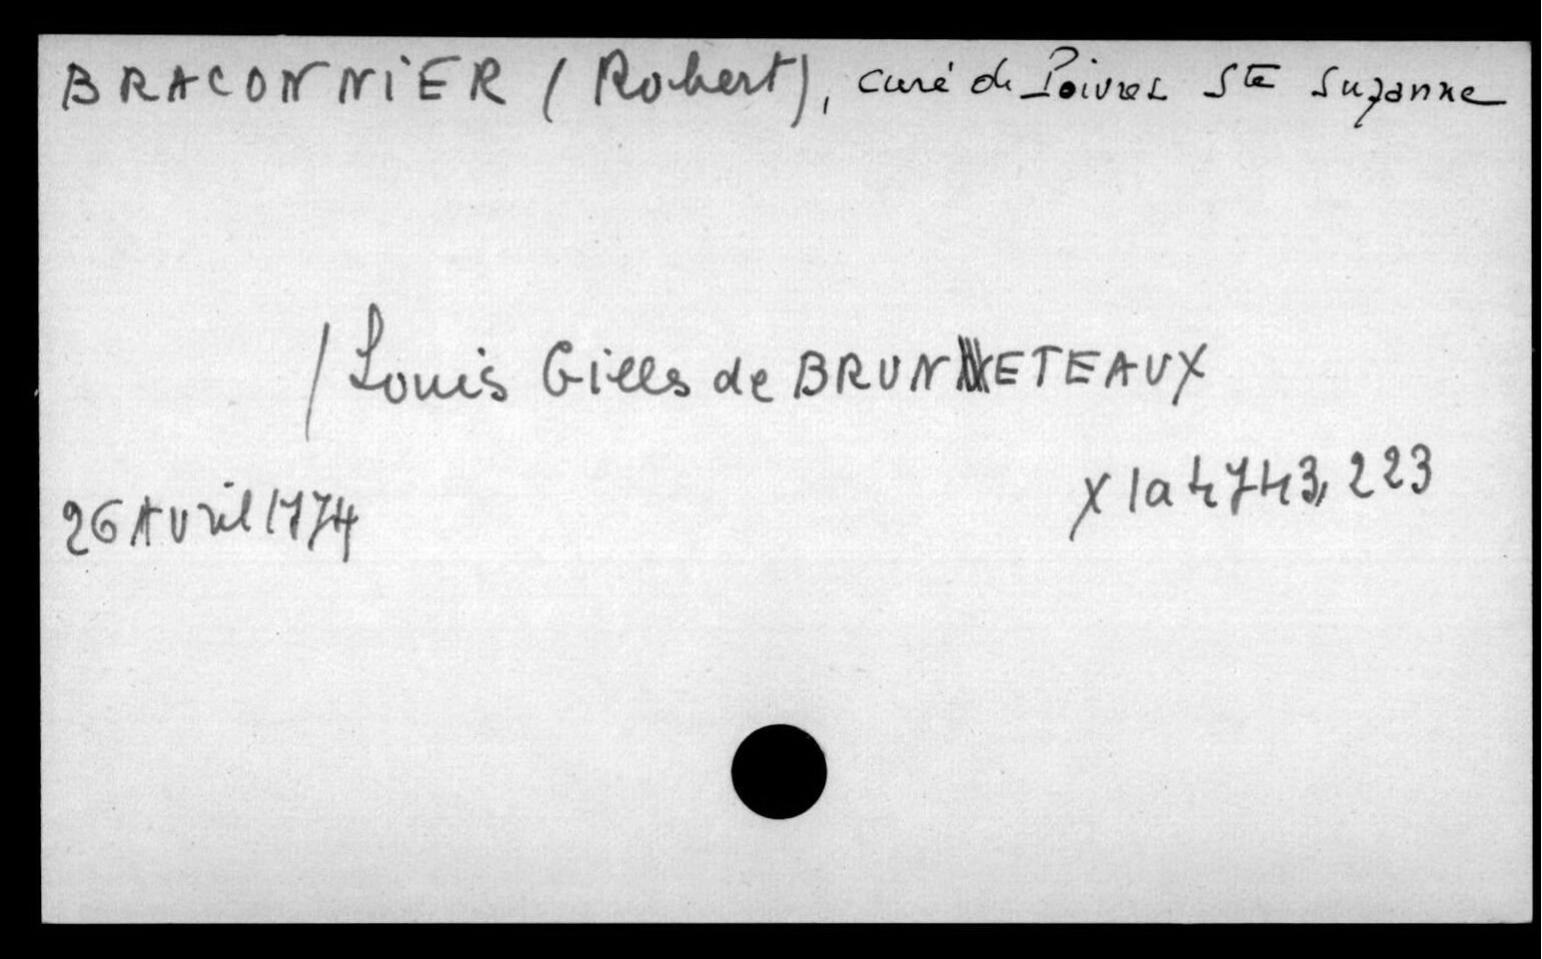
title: BRACONNIER (Robert), curé de Poivres Sainte Suzanne
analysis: Contre Louis Gilles de BRUNETEAUX
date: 26 avril 1774
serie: X1a
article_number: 4743
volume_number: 223
